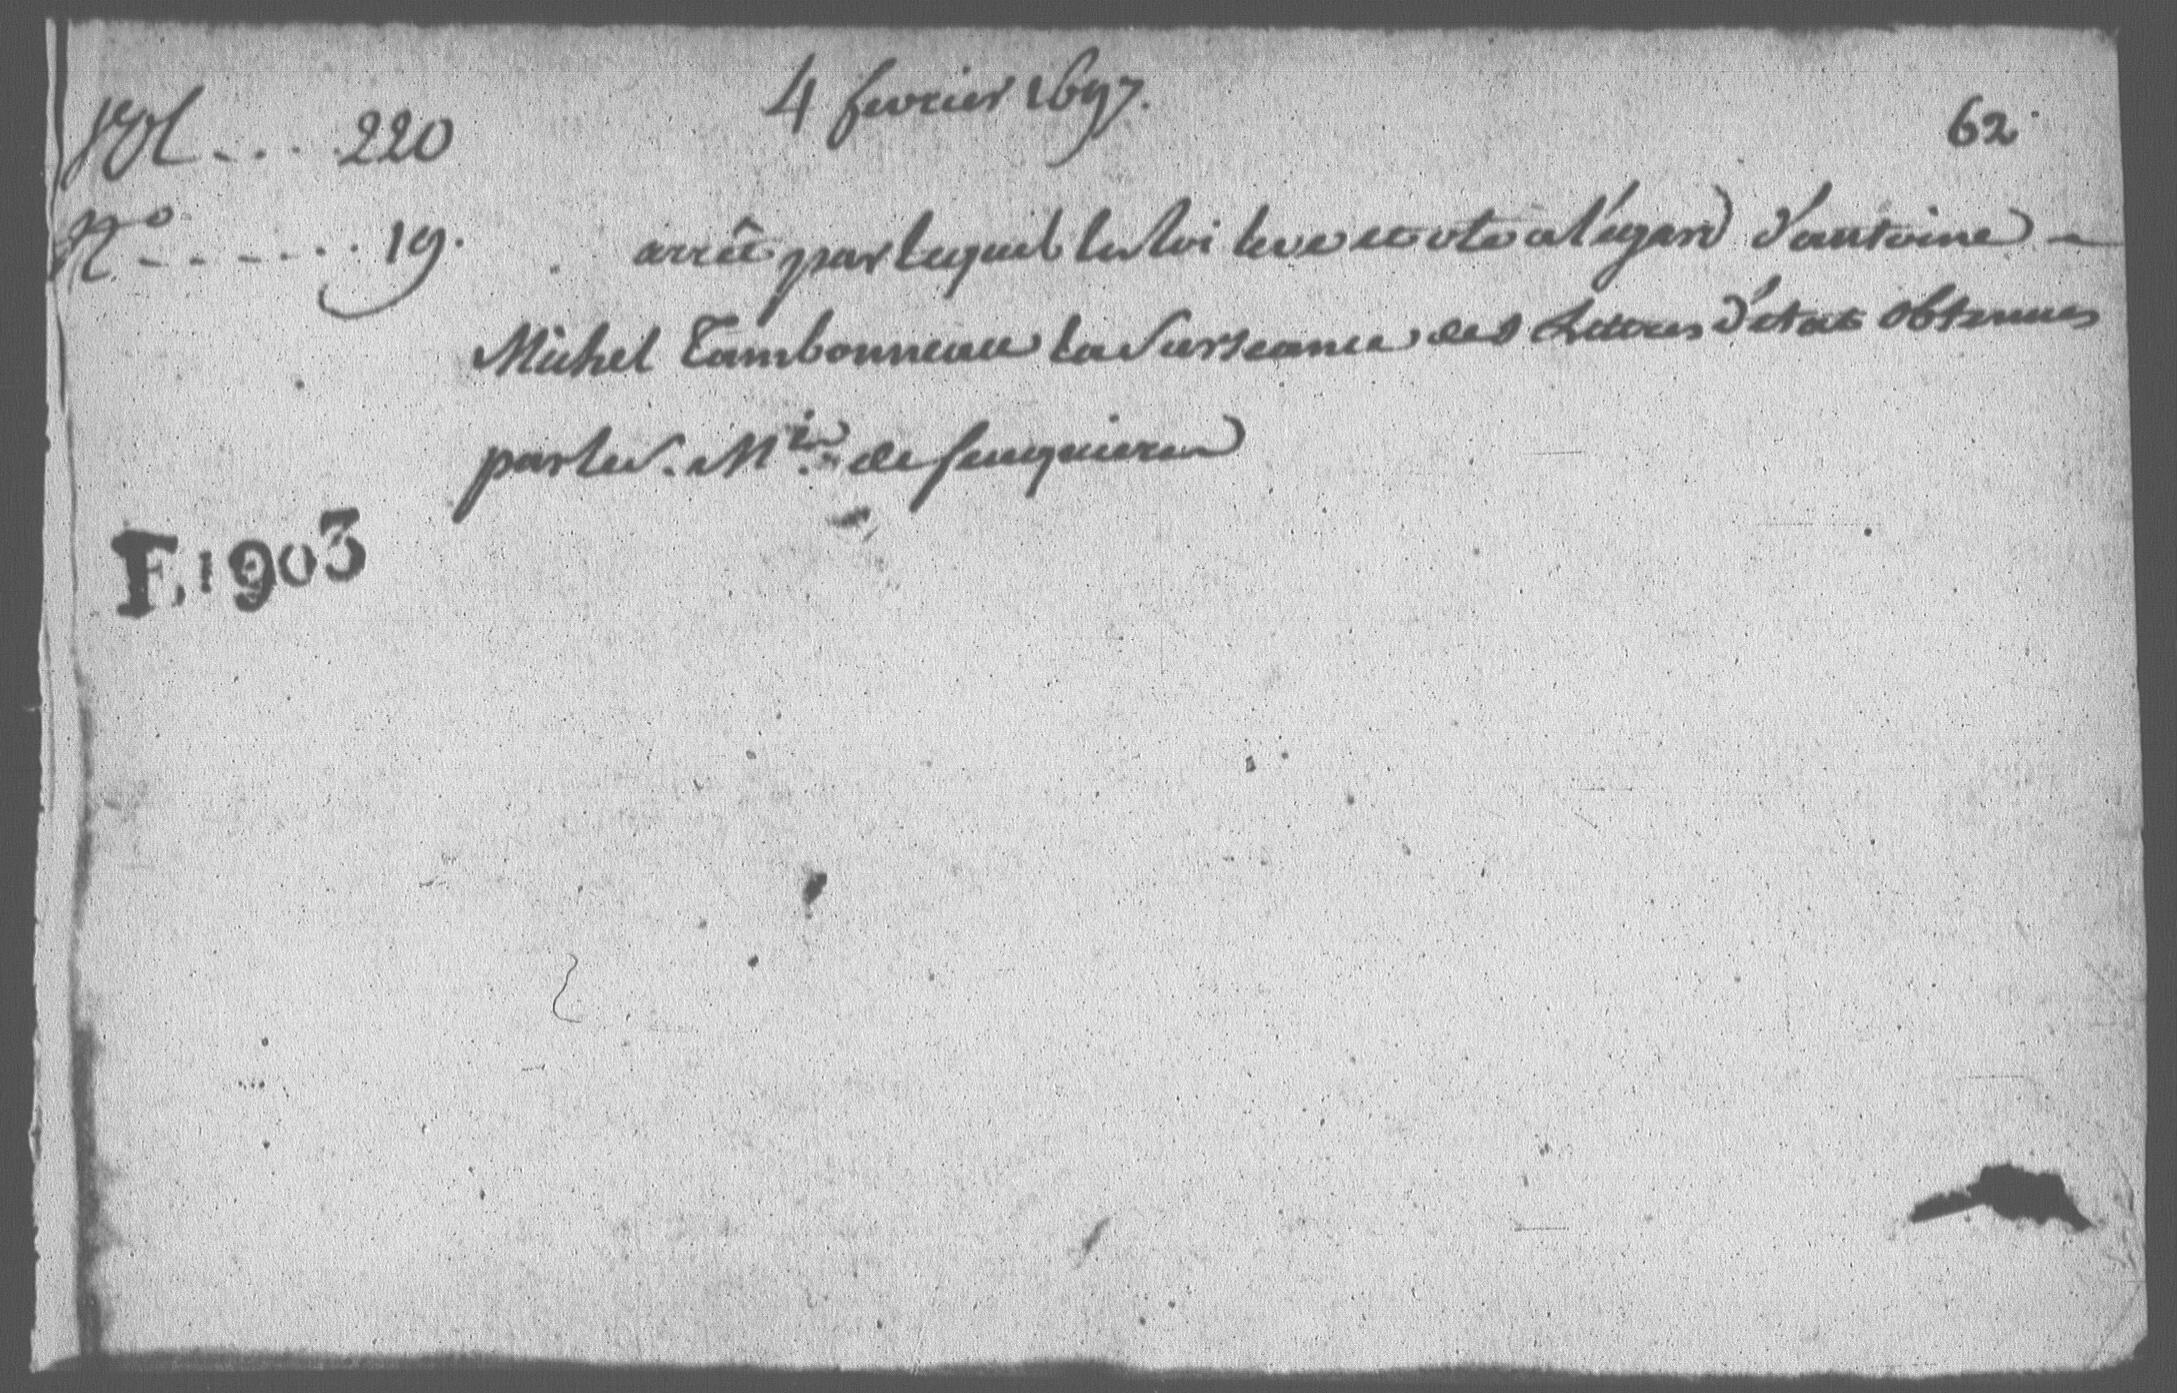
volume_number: n°19
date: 4 février 1697
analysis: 62
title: arrêt par lequel le Roi leve et ote a l'egard d'antoine Michel Tambonneau la surseance des lettres d'etat obtenues par le S. M.is de feuquières
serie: E
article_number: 1903
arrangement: vol. 220
